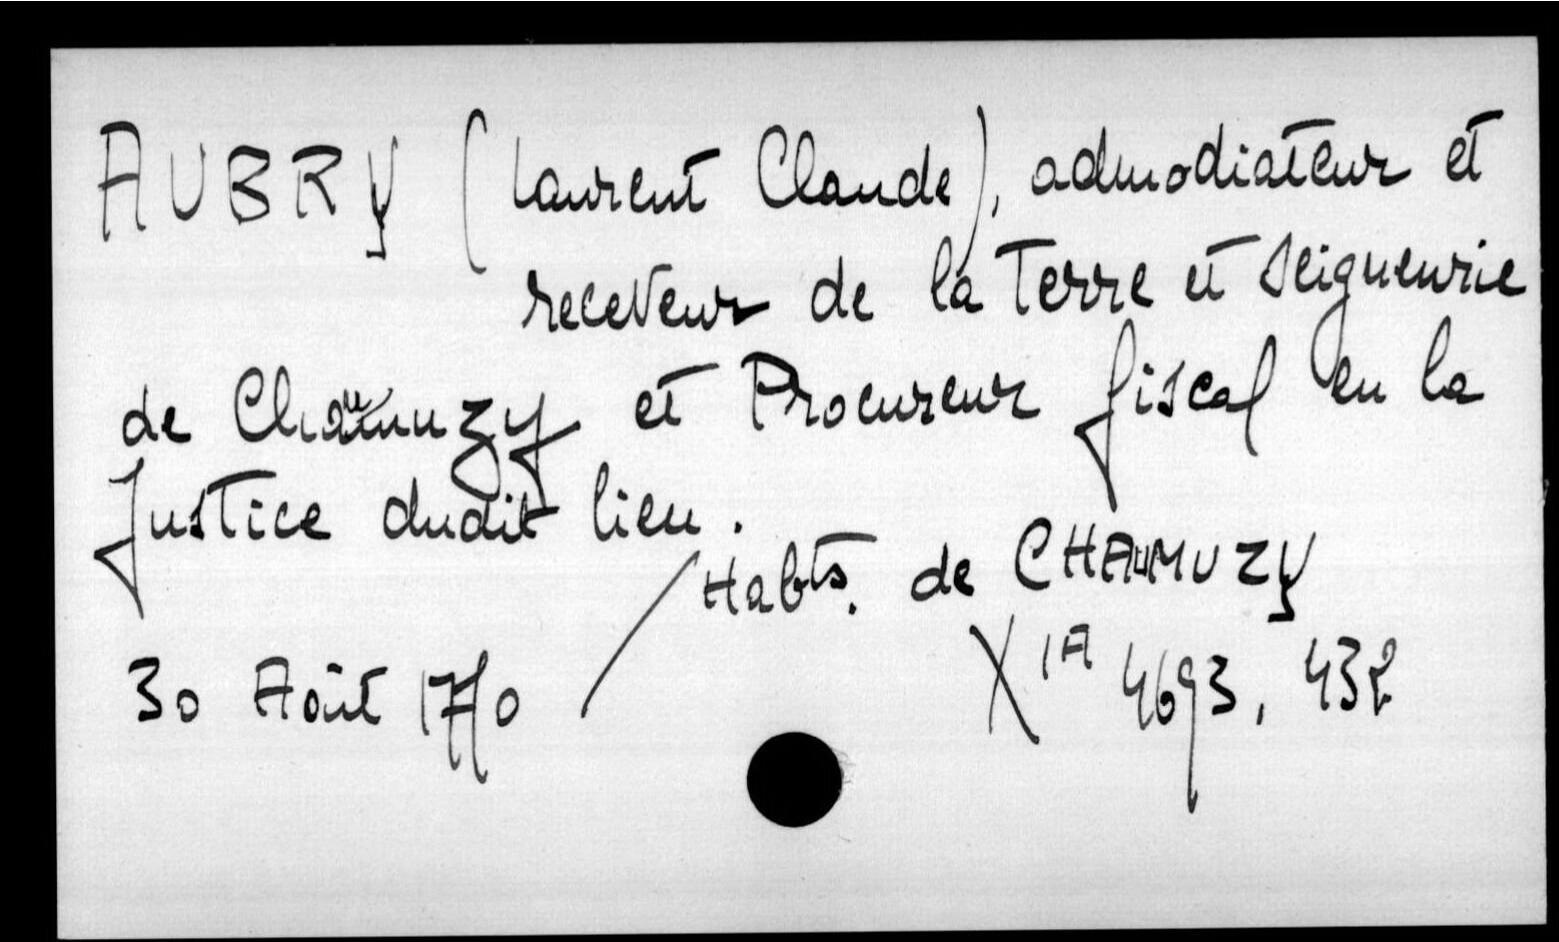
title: AUBRY (Laurent Claude), admodiateur et receveur de la Terre et seigneurie de Chaumusy et Procureur fiscal en la justice dudit lieu
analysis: Contre Habitants de CHAMUZY
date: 30 août 1770
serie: X1A
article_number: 4693
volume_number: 432
